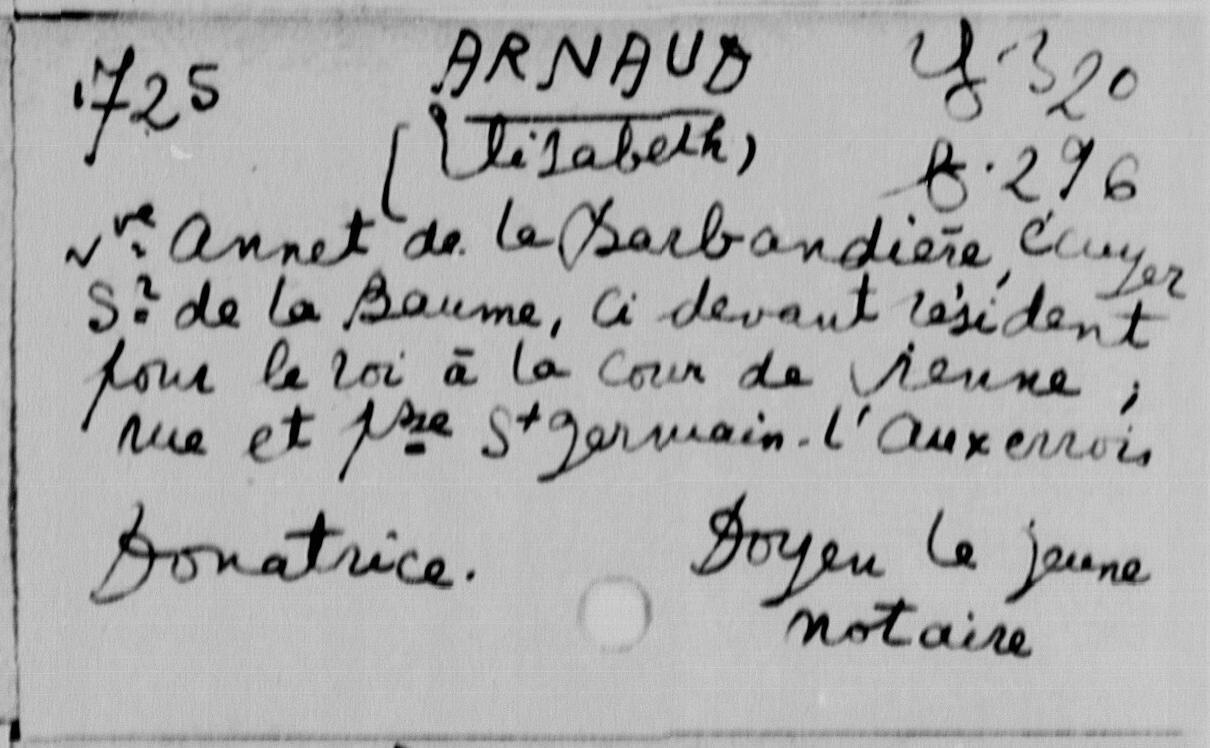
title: ARNAUD (Élisabeth)
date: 1725
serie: Y
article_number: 320
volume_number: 296
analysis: Veuve Annet de LA BARBANDIÈRE, écuyer, seigneur de la Baume, ci-devant résident pour le roi à la cour de Vienne, rue et paroisse Saint-Germain-l'Auxerrois. Donatrice. Doyen le jeune, notaire.
